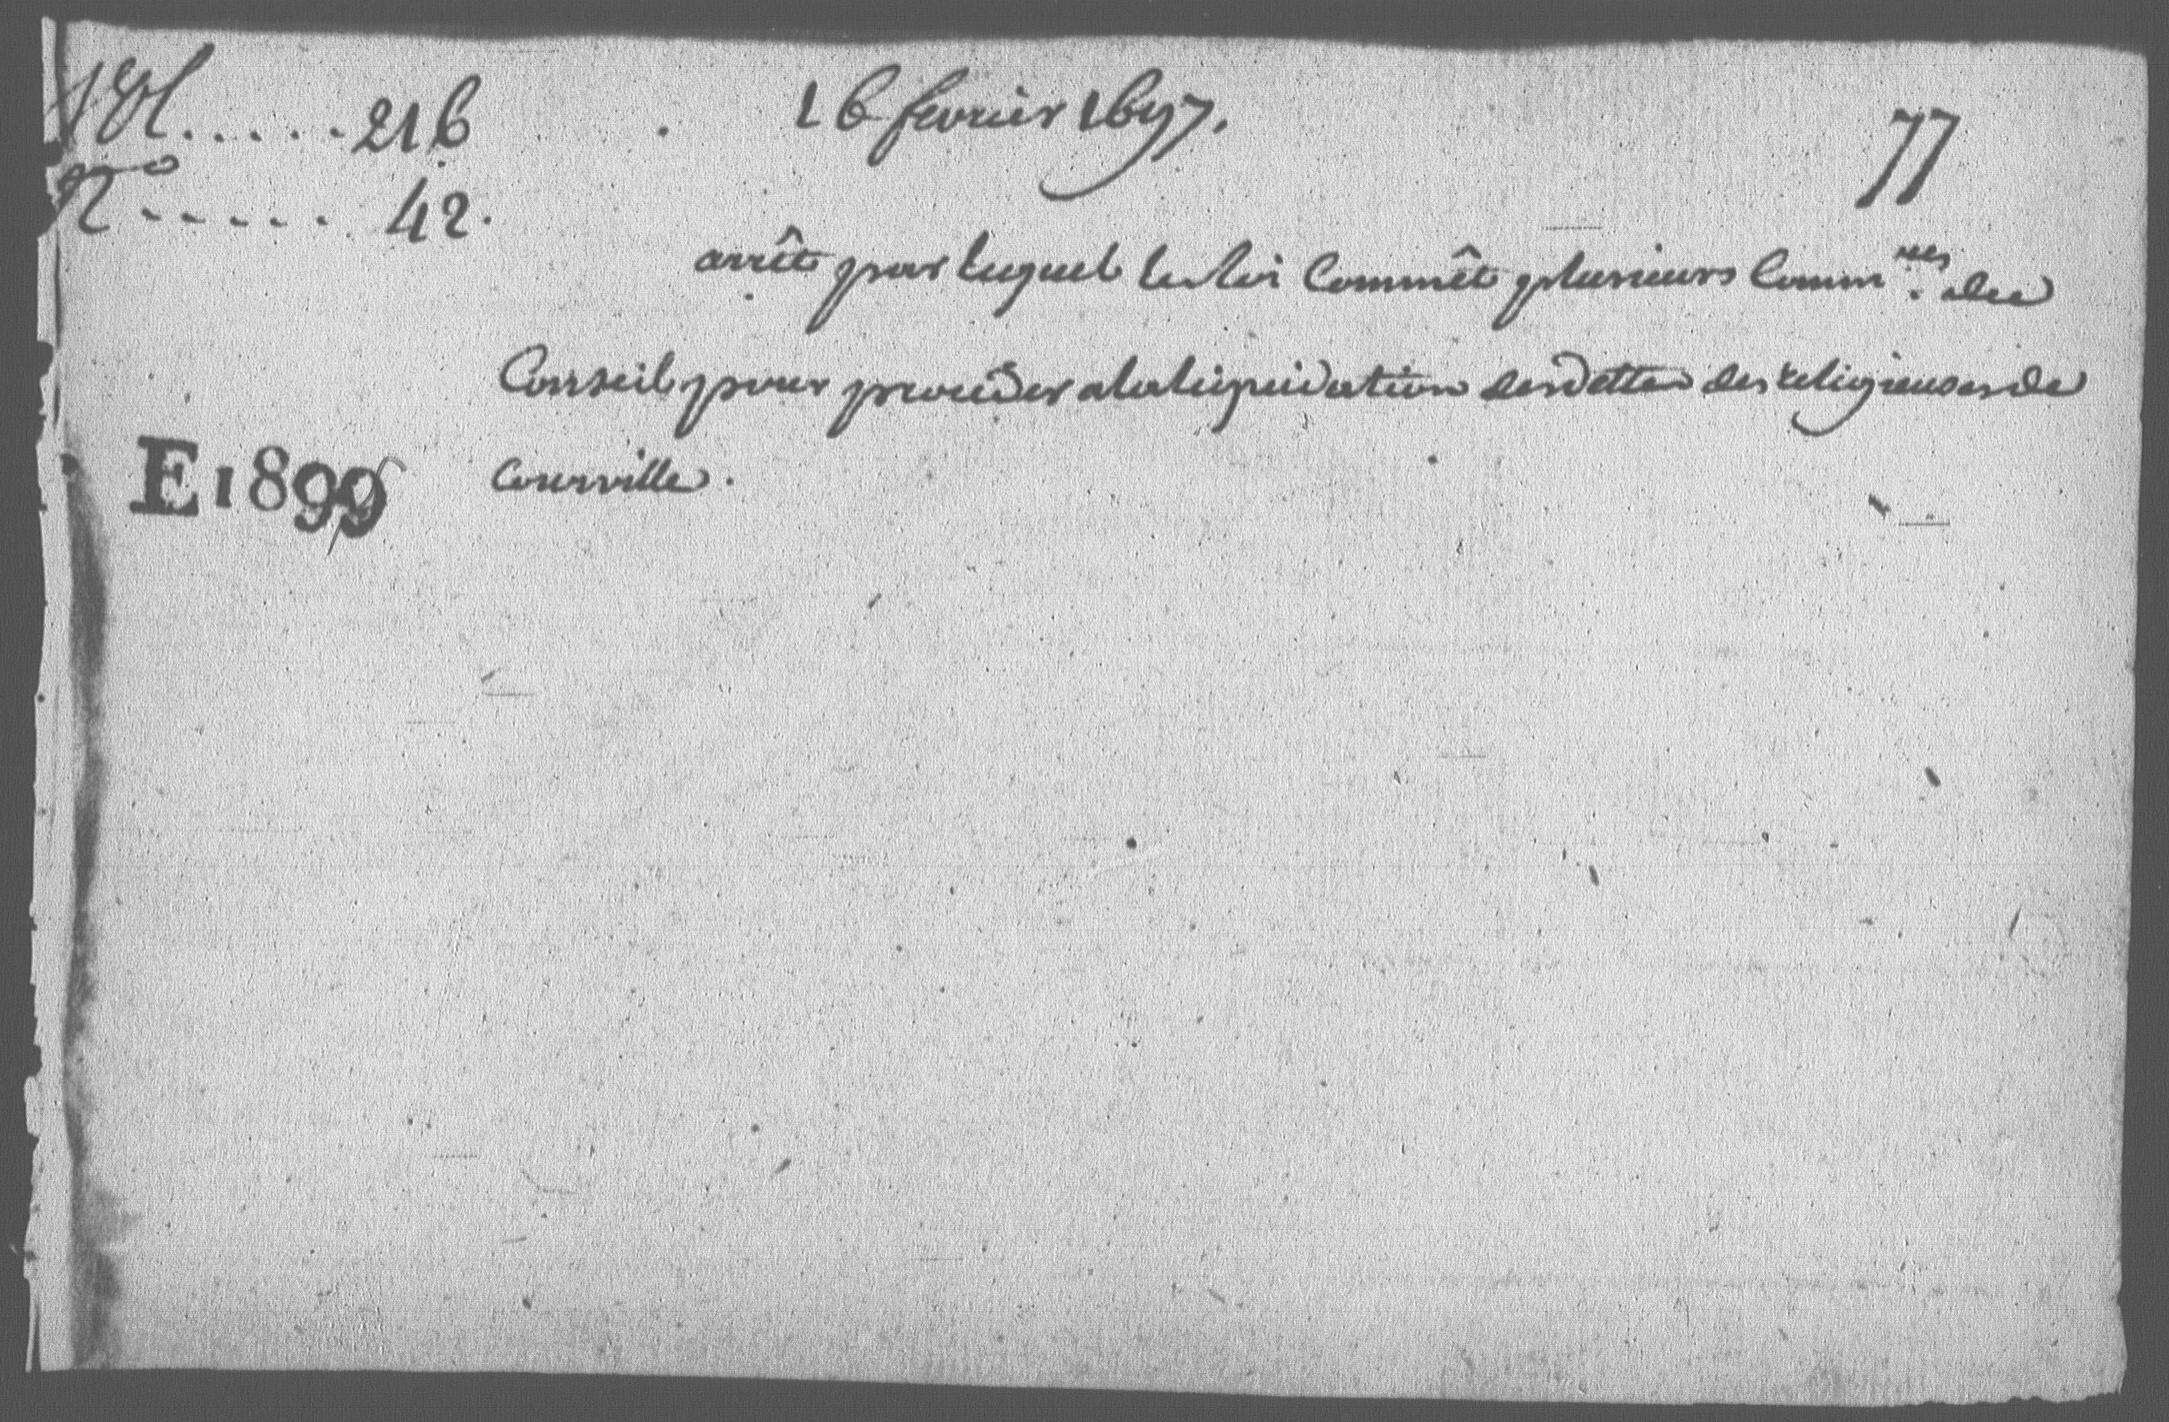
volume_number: n°42
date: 16 février 1697
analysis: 77
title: arrêt par lequel le roi commet plusieurs comm.res du Conseil pour procéder a la liquidation des dettes des religieuses de Courville
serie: E
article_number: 1899
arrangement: vol. 216
